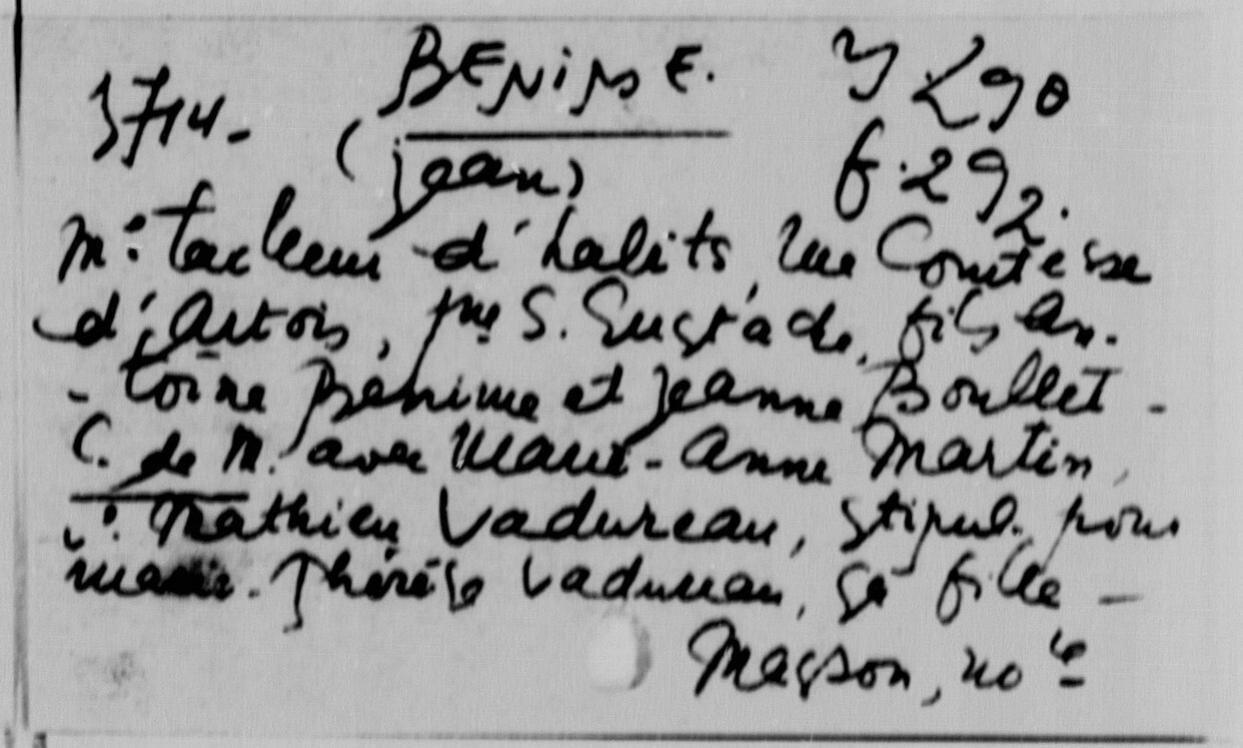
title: BENIME (Jean)
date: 1714
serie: Y
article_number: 290
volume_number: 292
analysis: Maître tailleur d'habits, rue Comtesse d'Artois, paroisse Saint-Eustache, fils Antoine Benime et Jeanne Boullet. Contrat de mariage avec Marie-Anne Martin, veuve Mathieu Vadureau, stipulant pour Marie-Thérèse Vadureau, sa fille. Masson, notaire.
